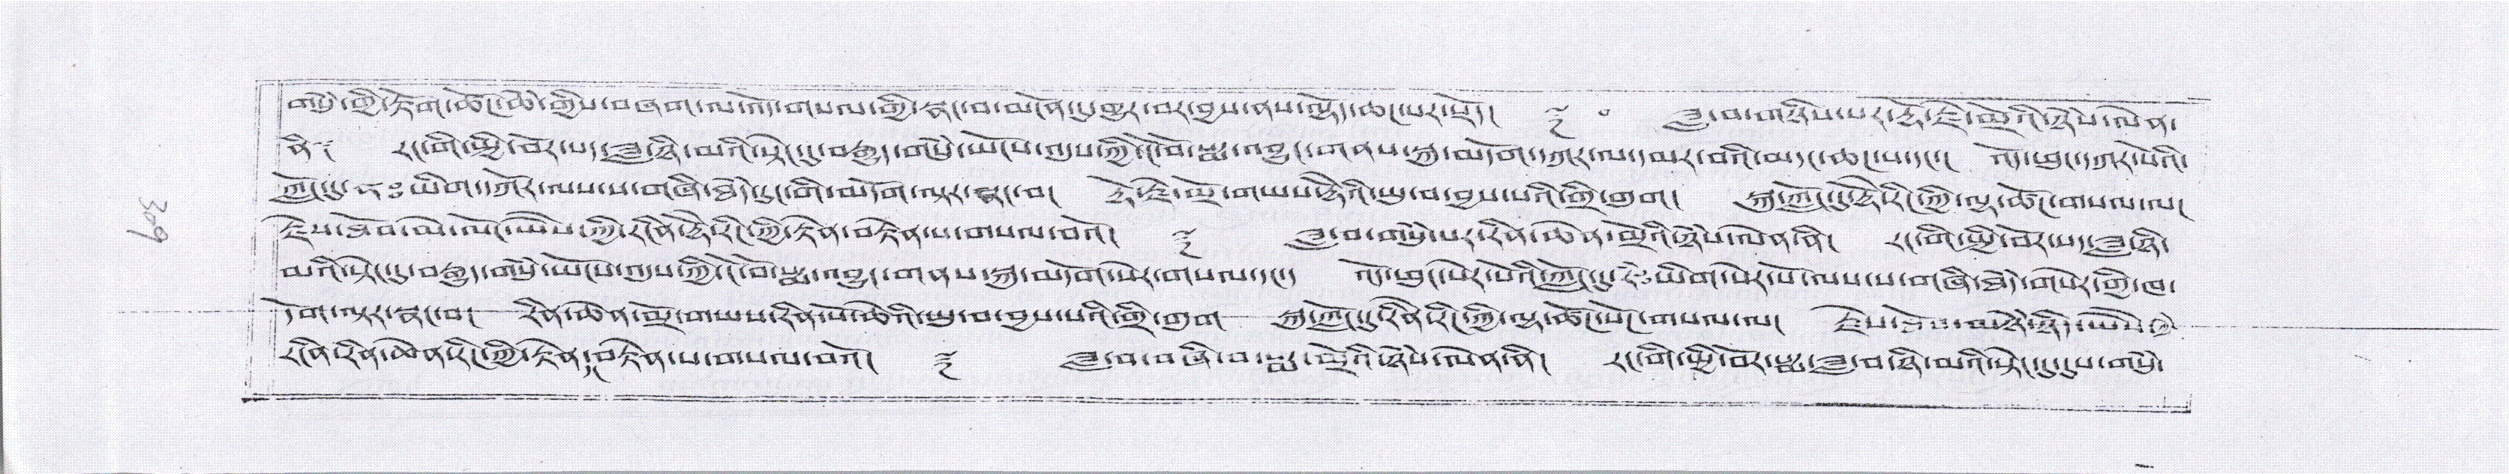གསུམ་གྱི་རྟོག་ཚོགས་ཆམ་གྱིས་བཞག་ལ་འོད་གསལ་གྱི་སྣང་བ་མངོན་དུ་གྱུར་བར་བྱས་ནས་ལྷོད་ཆགས་པར་སྡོད། ༑ ཟླ་བ་གཉིས་པར་རྡོ་རྗེ་མཁའ་འགྲོའི་ཉམས་ལེན་
ནི། རང་གི་སྤྱི་བོར་པད་ཟླ་ཉི་མའི་སྟེང་དུ་བརྒྱུད་གསུམ་ཡོངས་འདུས་ཀྱི་ངོ་བོ་པདྨ་འབྱུང་གནས་སྐུ་མདོག་དཀར་ལ་དམར་བའི་མདང་ཆགས་པ་དང། འོད་ཕུང་དཀར་པོའི་
ཀློང་དུ་ཧཿཡིག་དཀར་པོ་ལས་ས་གཞི་ཐམས་ཅད་དུང་གི་མདོག་ལྟར་སྣང་བ། རྡོ་རྗེ་མཁའ་འགྲོ་གཡས་རྡོ་རྗེའི་ཡུ་བ་བྱས་པའི་གྲི་གུག སྐུ་ཀློང་དུ་རྡོ་རྗེ་རིགས་ཀྱི་ལྷ་ཚོགས་གསལ་ལ། 
རྗེས་ཐོབ་མེ་ལོང་ཡེ་ཤེས་ཀྱི་རང་བཞིན་རྡོ་རྗེ་རིགས་ཀྱི་རྟེན་བརྟེན་པ་གསལ་བའོ། ༑ ཟླ་བ་གསུམ་པར་རིན་ཆེན་མཁའ་འགྲོའི་ཉམས་ལེན་ནི། རང་གི་སྤྱི་བོར་པད་ཟླ་ཉི་
མའི་སྟེང་དུ་བརྒྱུད་གསུམ་ཡོངས་འདུས་ཀྱི་ངོ་བོ་པདྨ་འབྱུང་གནས་སྐུ་མདོག་སེར་གསལ་དང། འོད་ཕུང་སེར་པོའི་ཀློང་དུ་རཾཿཡིག་སེར་པོ་ལས་ས་གཞི་ཐམས་ཅད་གསེར་གྱི་ཁ་
དོག་ལྟར་སྣང་བ། རིན་ཆེན་མཁའ་འགྲོ་གཡས་རིན་པོ་ཆེའི་ཡུ་བ་བྱས་པའི་གྲི་གུག སྐུ་ཀློང་དུ་རིན་ཆེན་རིགས་ཀྱི་ལྷ་ཚོགས་སོགས་གསལ་ལ། རྗེས་ཐོབ་མཉམ་ཉིད་ཡེ་ཤེས་ཀྱི་
རང་བཞིན་རིན་ཆེན་རིགས་ཀྱི་རྟེན་དང་བརྟེན་པ་གསལ་བའོ། ༑ ཟླ་བ་བཞི་པ་པདྨ་མཁའ་འགྲོའི་ཉམས་ལེན་ནི། རང་གི་སྤྱི་བོར་པདྨ་ཟླ་བ་ཉི་མའི་སྟེང་དུ་དུས་གསུམ་